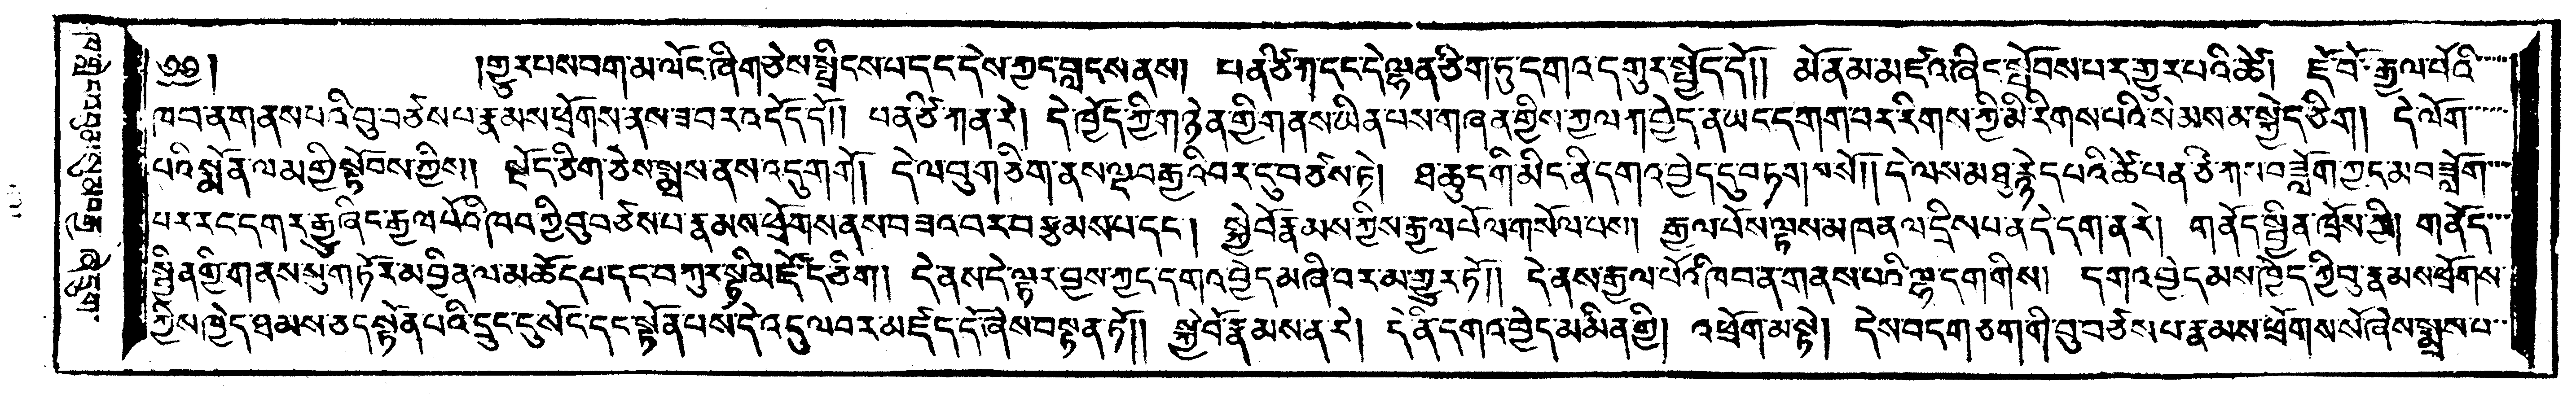༄༅། །གྱུར་པས་བག་མ་ལོང་ཞིག་ཅེས་སྤྲིངས་པ་དང་དེས་ཀྱང་བླངས་ནས། པ་ནི་ཏ་ཀ་དང་དེ་ལྷན་ཅིག་ཏུ་དགའ་དགུར་སྤྱོད་དོ། །མོ་ནམ་མཛའ་ཞིང་སྤོབས་པར་གྱུར་པའི་ཚེ། ཇོ་བོ་རྒྱལ་པོའི་
ཁབ་ན་གནས་པའི་བུ་བཙས་པ་རྣམས་ཕྲོགས་ནས་ཟ་བར་འདོད་དོ། །པ་ནི་ཙ་ཀ་ན་རེ། དེ་ཁྱོད་ཀྱི་གཉེན་གྱི་གནས་ཡིན་པས་གཞན་གྱིས་ཀྱལ་ཀ་བྱེད་ན་ཡང་དགག་པར་རིགས་ཀྱི་མི་རིགས་པའི་སེམས་མ་སྐྱེད་ཅིག། དེ་ལོག་
པའི་སྨོན་ལམ་གྱི་སྟོབས་ཀྱིས། སྡོད་ཅིག་ཅེས་སྨྲས་ནས་འདུག་གོ། དེ་ལ་བུ་གཅིག་ནས་ལྔ་བརྒྱའི་བར་དུ་བཙས་ཏེ། ཐ་ཆུང་གི་མིང་ནི་དགའ་བྱེད་དུ་བཏགས་སོ། །དེ་ལས་མཐུ་རྙེད་པའི་ཚེ་པ་ན་ཙི་ཀས་བཟློག་ཀྱང་མ་བཟློག་
པར་རང་དགར་རྒྱུ་ཞིང་རྒྱལ་པོའི་ཁབ་ཀྱི་བུ་བཙས་པ་རྣམས་ཕྲོགས་ནས་བཟའ་བར་བརྩམས་པ་དང་། སྐྱེ་བོ་རྣམས་ཀྱིས་རྒྱལ་པོ་ལ་གསོལ་པས། རྒྱལ་པོས་ལྟས་མཁན་ལ་དྲིས་པ་ན་དེ་དག་ན་རེ། གནོད་སྦྱིན་ཁྲོས་ཀྱི། གནོད་
སྦྱིན་གྱི་གནས་སུ་གཏོར་མ་བྱིན་ལ་མཆོད་པ་དང་བཀུར་སྟི་མཛོད་ཅིག། དེ་ནས་དེ་ལྟར་བྱས་ཀྱང་དགའ་བྱེད་མ་ཞི་བར་མ་གྱུར་ཏོ། །དེ་ནས་རྒྱལ་པོའི་ཁབ་ན་གནས་པའི་ལྷ་དག་གིས། དགའ་བྱེད་མས་ཁྱེད་ཀྱི་བུ་རྣམས་ཕྲོགས་
ཀྱིས་ཁྱེད་ཐམས་ཅད་སྟོན་པའི་དྲུང་དུ་སྟོང་དང་སྟོན་པས་དེ་འདུལ་བར་མཛད་དོ་ཞེས་བསྟན་ཏོ། །སྐྱེ་བོ་རྣམས་ན་རེ། དེ་ནི་དགའ་བྱེད་མ་མིན་གྱི། འཕྲོག་མ་སྟེ། དེས་བདག་ཅག་གི་བུ་བཙས་པ་རྣམས་ཕྲོགས་སོ་ཞེས་སྨྲས་པ་